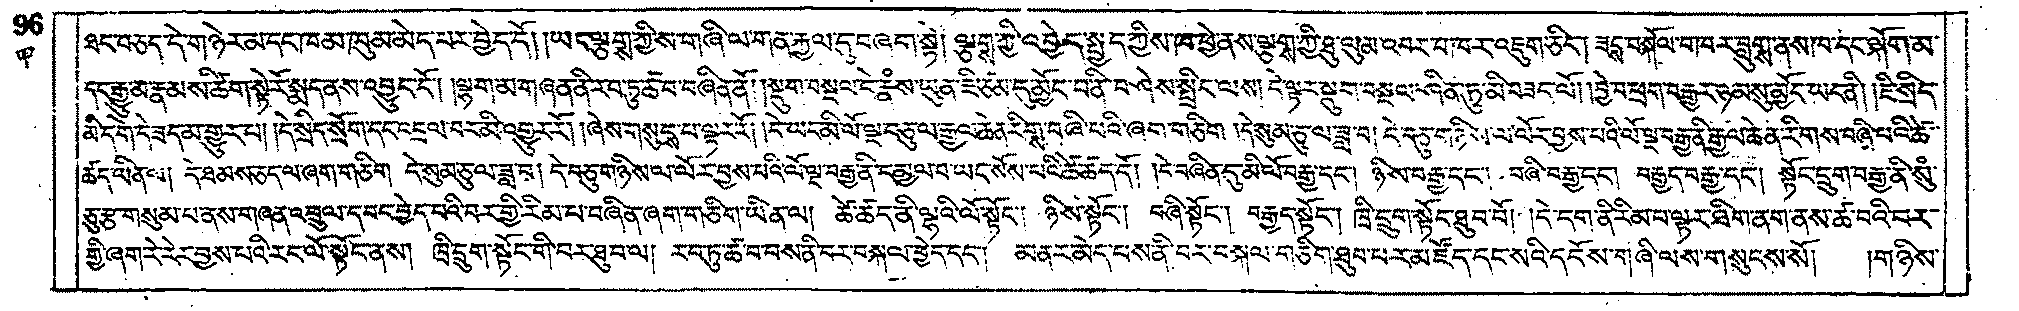ཐང་བཅད་དེ་གཉེར་མ་དང་ཁམ་ཁུམ་མེད་པར་བྱེད་དོ། །ཡང་ལྕགས་ཀྱི་ས་གཞི་ལ་གན་རྐྱལ་དུ་བཞག་སྟེ། ལྕགས་ཀྱི་འབྱེད་སྤྱད་ཀྱིས་ཁ་ཕྱེ་ནས་ལྕགས་ཀྱི་ཐུ་ལུམ་འབར་བ་ཁར་འཇུག་ཅིང་། ཟངས་བསྐོལ་བ་ཁར་བླུགས་ནས་ཁ་དང་ལྐོག་མ་
དང་རྒྱུ་མ་རྣམས་ཚིག་སྟེ་རོ་སྨད་ནས་འབྱུང་ངོ། །ལྷག་མ་གཞན་ནི་རབ་ཏུ་ཚ་བ་བཞིན་ནོ། །སྡུག་བསྔལ་དེ་རྣཾས་ཡུན་ཇི་ཙམ་དུ་མྱོང་བ་ནི་བཤེས་སྤྲིང་ལས། དེ་ལྟར་སྡུག་བསྔལ་ཤིན་ཏུ་མི་བཟད་ལོ། །བྱེ་བ་ཕྲག་བརྒྱར་ཉམས་སུ་མྱོང་ཡང་ནི། །ཇི་སྲིད་
མི་དགེ་དེ་ཟད་མ་གྱུར་པ། །དེ་སྲིད་སྲོག་དང་འབྲལ་བར་མི་འགྱུར་རོ། །ཞེས་གསུངས་པ་ལྟར་རོ། །དེ་ཡང་མི་ལོ་ལྔ་བཅུ་ལ་རྒྱལ་ཆེན་རིགས་བཞི་པའི་ཞག་གཅིག །དེ་སུམ་ཅུ་ལ་ཟླ་བ། དེ་བཅུ་གཉིས་ལ་ལོར་བྱས་པའི་ལོ་ལྔ་བརྒྱ་ནི་རྒྱལ་ཆེན་རིགས་བཞི་པའི་ཚེ་
ཚད་ཡིན་ལ། དེ་ཐམས་ཅད་ལ་ཞག་གཅིག །དེ་སུམ་ཅུ་ལ་ཟླ་བ། དེ་བཅུ་གཉིས་ལ་ལོར་བྱས་པའི་ལོ་ལྔ་བརྒྱ་ནི་དམྱལ་བ་ཡང་སོས་པའི་ཚེ་ཚད་དོ། །དེ་བཞིན་དུ་མི་ལོ་བརྒྱ་དང་། ཉིས་བརྒྱ་དང་། བཞི་བརྒྱ་དང་། བརྒྱད་བརྒྱ་དང་། སྟོང་དྲུག་བརྒྱ་ནི་སུཾ་
ཅུ་རྩ་གསུམ་པ་ནས་གཞན་འཕྲུལ་དབང་བྱེད་པའི་བར་གྱི་རིམ་པ་བཞིན་ཞག་གཅིག་ཡིན་ལ། ཚེ་ཚད་ནི་ལྷའི་ལོ་སྟོང་། ཉིས་སྟོང་། བཞི་སྟོང་། བརྒྱད་སྟོང་། ཁྲི་དྲུག་སྟོང་ཐུབ་བོ། །དེ་དག་ནི་རིམ་པ་ལྟར་ཐིག་ནག་ནས་ཚ་བའི་བར་
གྱི་ཞག་རེ་རེར་བྱས་པའི་རང་ལོ་སྟོང་ནས། ཁྲི་དྲུག་སྟོང་གི་བར་ཐུབ་ལ། རབ་ཏུ་ཚ་བ་པས་ནི་བསྐལ་ཕྱེད་དང་། མནར་མེད་པས་ནི་བར་བསྐལ་གཅིག་ཐུབ་པར་མཛོད་དང་སའི་དངོས་གཞི་ལས་གསུངས་སོ། །གཉིས་